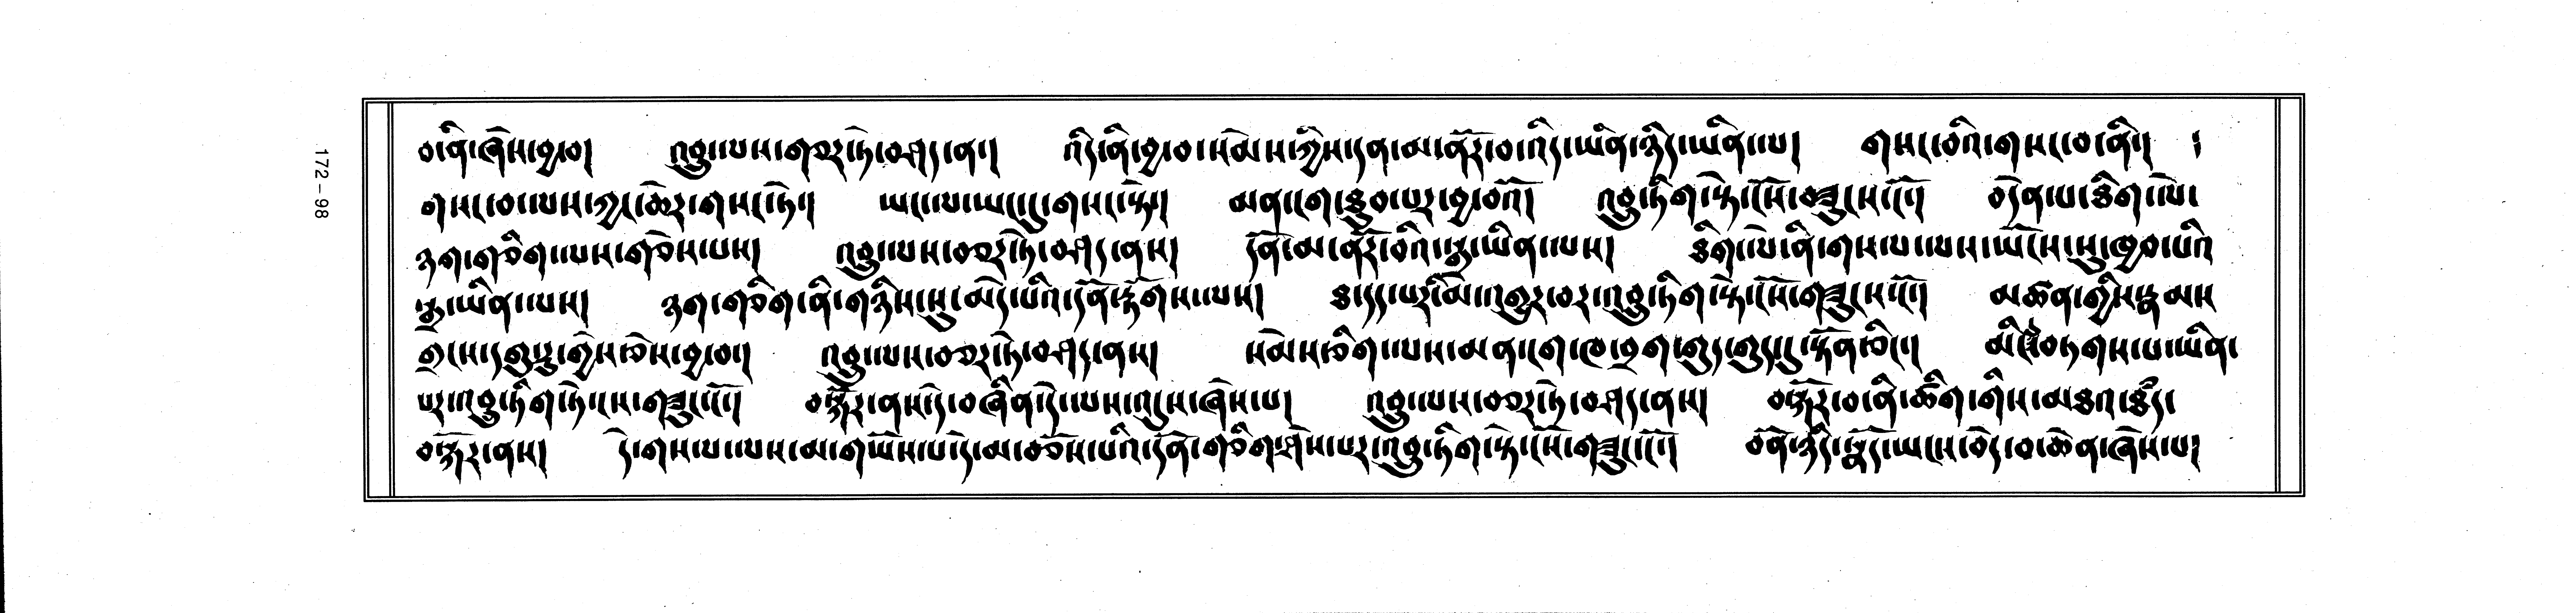བ་ནི་ཞེས་བྱ་བ། འབྲུ་ལས་གཅར་ཏེ་བཤད་ན། འདི་ན་བྱ་བ་སེམས་ཀྱིས་དོན་མ་ནོར་བ་འདི་ཡིན་ཉིད་ཡིན་ལ། གསང་བའི་གསང་བ་ནི། 
གསང་བ་ལས་ཀྱང་ཆེར་གསང་ཏེ། ཡང་ལ་ཡང་དུ་གསང་སྟེ། མན་ངག་ཐུབ་པར་བྱ་བའོ། འབྲུ་ཏིག་སྟེ་ངོས་བཟུངས་ངོ་། བདེན་པ་ཐིག་ལེ་
ཉག་གཅིག་ལས་གཅེས་པས། འབྲུ་ལས་བཅར་ཏེ་བཤད་ནས། དོན་མ་ནོར་བའི་སྒྲ་ཡིན་ལས། ཐིག་ལེ་ནི་གསལ་ལས་ཡོངས་སུ་ཁྱབ་པའི་
སྒྲ་ཡིན་ལས། ཉག་གཅིག་ནི་གཉིས་སུ་མེད་པའི་དོན་རྟོགས་ལས། ཐ་དད་པར་མི་འགྱུར་བར་འབྲུ་ཏིག་སྟེ་ངོས་གཟུངས་ངོ་། མཚན་གྱིས་རྣམས་
གྲངས་དགུ་རུ་གྱེས་ཅེས་བྱ་བ། འབྲུ་ལས་བཅར་ཏེ་བཤད་ནས། སེམས་ཅིག་ལས་མན་ངག་ཁ་བྲག་གུད་གུད་དུ་སྟོན་ཅིང་། མིང་དུ་བཏགས་པ་ཡིན་
པར་འབྲུ་ཏིག་ཏེ་ངོས་གཟུང་ངོ་། བསྐོར་ནས་དེ་བཞིན་དེ་ལས་འདུས་ཞེས་པ། འབྲུ་ལས་བཅར་ཏེ་བཤད་ནས། བསྐོར་བ་ནི་ཚིག་གིས་མཐའ་ཐམས་ཅད་
བསྐོར་ནས། དེ་གསལ་ལས་མ་གཡོས་པ་དེ་མ་བཅོས་པའི་དོན་གཅིག་ཤེས་པར་འབྲུ་ཏིག་སྟེ་ངོས་གཟུང་ངོ་། བོན་ཉིད་སྣོད་ཡངས་བདེ་བ་ཆེན་ཞེས་པ།